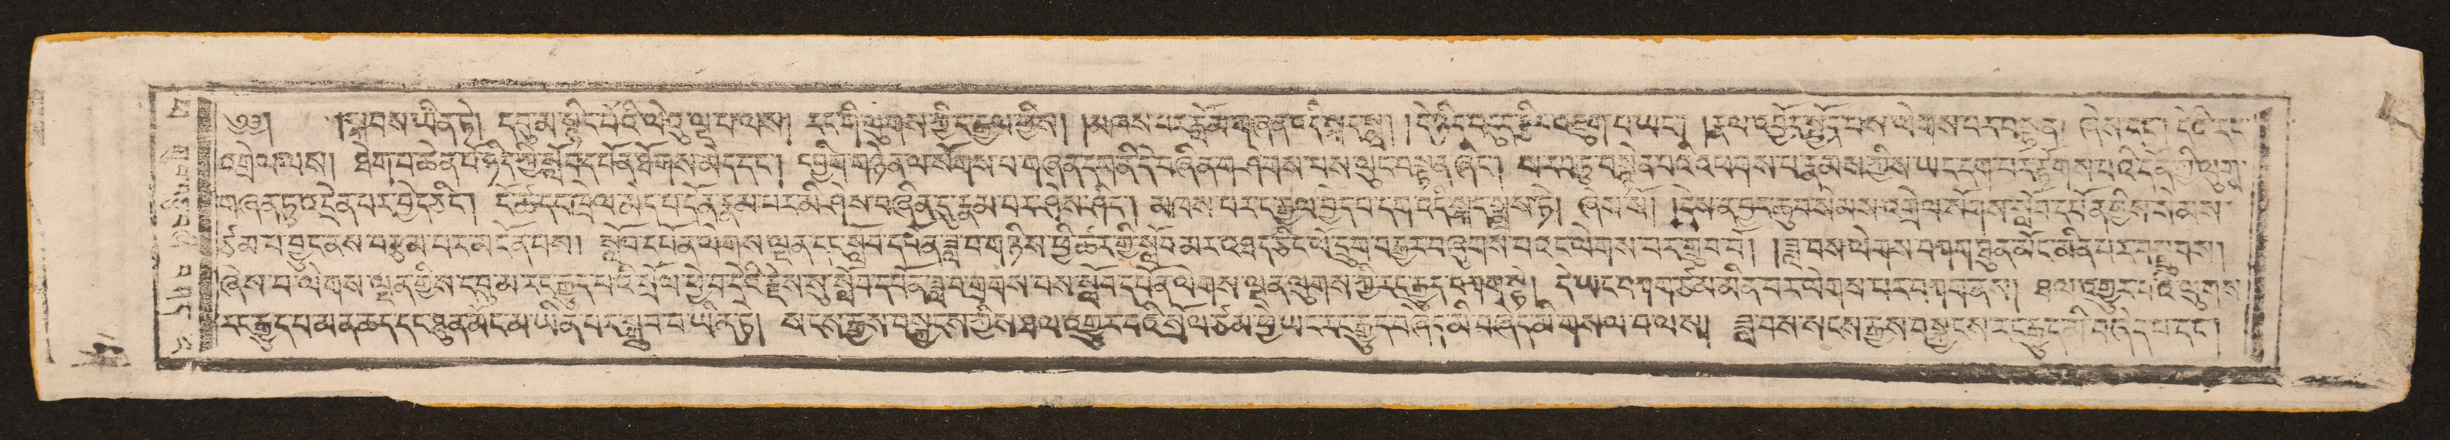༄༅། །སྐབས་ཡིན་ཏེ། དབུ་མ་སྙིང་པོའི་ལེའུ་ལྔ་བ་ལས། རང་གི་ལུགས་ཀྱི་ང་རྒྱལ་གྱིས། །མཁས་པར་རློམ་གཞན་འདི་སྐད་སྨྲ། །དེ་ཉིད་བདུད་རྩིར་འཇུག་པ་ཡང་། །རྣལ་འབྱོར་སྦྱོད་པས་ལེགས་པར་བསྟན། ཞེས་དང་། དེའི་རང་
འགྲེལ་ལས། ཐེག་པ་ཆེན་པོ་ཉིད་ཀྱི་སློབ་དཔོན་?་ཐོགས་མེད་དང་། དབྱིག་གཉེན་ལ་སོགས་པ་གཞན་ངག་ནི་དེ་བཞིན་གཤེགས་པས་ལུང་བསྟན་ཞིང་། ས་རབ་ཏུ་བསྙེན་པའི་འཕགས་པ་རྣམས་ཀྱིས་ཡང་དག་པར་རྟོགས་པའི་དོན་གྱི་ལུགས་
གཞན་ཏུ་འདྲེན་པར་བྱེད་ཅིང་། ངོ་ཚ་དང་ཁྲེལ་མེད་པ་དོན་རྣམ་པར་མི་ཤེས་བཞིན་དུ་རྣམ་པར་ཤེས་ཤིང་། མཁས་པར་ང་རྒྱལ་བྱེད་པ་དག་འདི་སྐད་སྨྲས་ཏེ། ཞེས་སོ། །དེས་ན་བྱང་ཆུབ་སེམས་འགྲེལ་སོགས་སློབ་དཔོན་གྱིས་སེམས་
ཙམ་པ་བྱུང་ནས་བརྩམ་པར་མངོན་པས། སློབ་དཔོན་ལེགས་ལྡན་དང་སློབ་དཔོན་ཟླ་བ་གཉིས་ཕྱི་ཚར་གྱི་སློབ་མར་འཐད་ཅིང་ལོ་དྲུག་བརྒྱར་བཞུགས་པའང་ལེགས་པར་གྲུབ་བོ། །ཟླ་བས་ལེགས་བཀག་ཐུན་མོང་མིན་པར་བསྒྲུབས།
ཞེས་པ་ལེགས་ལྡན་གྱིས་དབུ་མ་རང་རྒྱུད་པའི་སྲོལ་ཕྱེ་བ་དེའི་རྗེས་སུ་སློབ་དཔོན་ཟླ་བ་གྲགས་པས་སློབ་དཔོན་ལེགས་ལྡན་ལུགས་ཀྱི་རང་རྒྱུད་བཀག་སྟེ། དེ་ཡང་བཀག་ཙམ་མིན་པར་ལེགས་བར་བཀག་ནས། ཐལ་འགྱུར་པའི་ལུགས་
རང་རྒྱུད་བ་མན་ཆད་དང་ཐུན་མོང་མ་ཡིན་པར་སྒྲུབ་པ་ཡིན་ཏེ། སངས་རྒྱས་བསྐྱངས་ཀྱིས་ཐལ་འགྱུར་བའི་སྲོལ་ཙམ་ཕྱེ་ཡང་རང་རྒྱུད་བཞེད་མེ་བཞེད་མི་གསལ་བ་ལས། ཟླ་བས་སངས་རྒྱས་བསྐྱངས་རང་རྒྱུད་མི་བཞེད་བ་དང་།